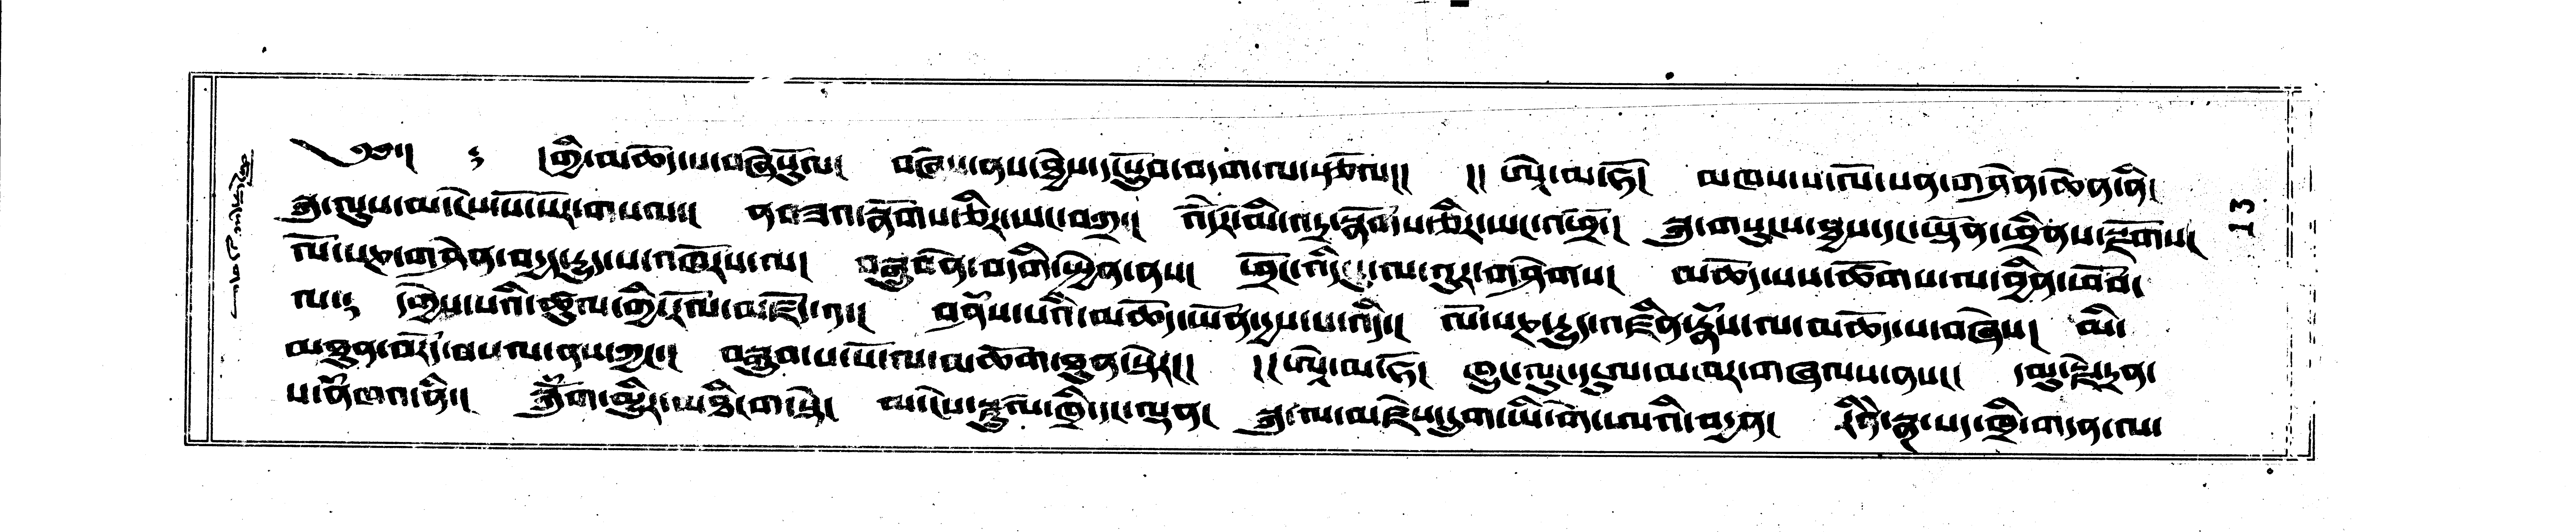གྱི་མཆོད་པ་བཞེས་སུ་གསོལ། བཞེས་ནས་ཐུགས་རྗེ་དངོས་གྲུབ་བདག་ལ་སྩོལ།། །།ཨེ་མ་ཧོ། མཁས་པ་ལོ་པན་གཤེན་ཆེན་ནི།
 སྐུ་ལུས་མ་ངེས་སོ་སོར་གསལ། ན་བཟའ་སྣ་ཚོགས་ཅིར་ཡང་བཀྲ། འོད་ཟེར་མི་འདྲ་སྣ་ཚོགས་ཅིར་ཡང་འཕྲོ། སྐུ་གསུང་ཐུགས་དང་ཡོན་ཏན་ཕྲིན་ལས་རྫོགས། 
ལོ་པཎ་གཤེན་བརྒྱད་རྒྱུད་པ་འཁོར་འདས་ལ། བསྒྲུབ་ཆེན་བདག་གིས་སྤྱན་འདྲེན་ནས། ཕོ་བྲང་འདི་རུ་ལ་འུར་གཤེགས། མཆོད་པས་ཚོགས་ལ་བྱིན་ཕོབ་
ལ། དགྱེས་པའི་ཚུལ་གྱིས་རོལ་མཛོད་ཅིག བཤམས་པའི་མཆོད་ཡོན་རྒྱས་པ་འདི། ལོ་པཎ་རྒྱུད་འཛིན་རྣམས་ལ་མཆོད་པ་བཞེས། མི་
མཐུན་བར་ཆོད་བསལ་ནས་ཀྱང་། སྒྲུབ་པ་པོ་ལ་མཆོག་ཐུན་སྟེར།། །།ཨེ་མ་ཧོ། ཁྱུང་ལུང་དངུལ་མཁར་གཞལ་ཡས་ནས། དམུ་རྗེ་དྲན་
པ་ནམ་མཁའ་ནི། སྐུ་མདོག་མི་འགྱུར་མཐིང་ནག་སྟེ། མ་ངེས་རྫུ་འཕྲུལ་ཁྲི་དང་ལྡན། སྐུ་ལ་མཛེས་དྲུག་ཡི་གེ་ཨའིས་བརྒྱན། རིན་ཆེན་སྣ་ལྔ་པད་ཁྲི་གདན་ལ་